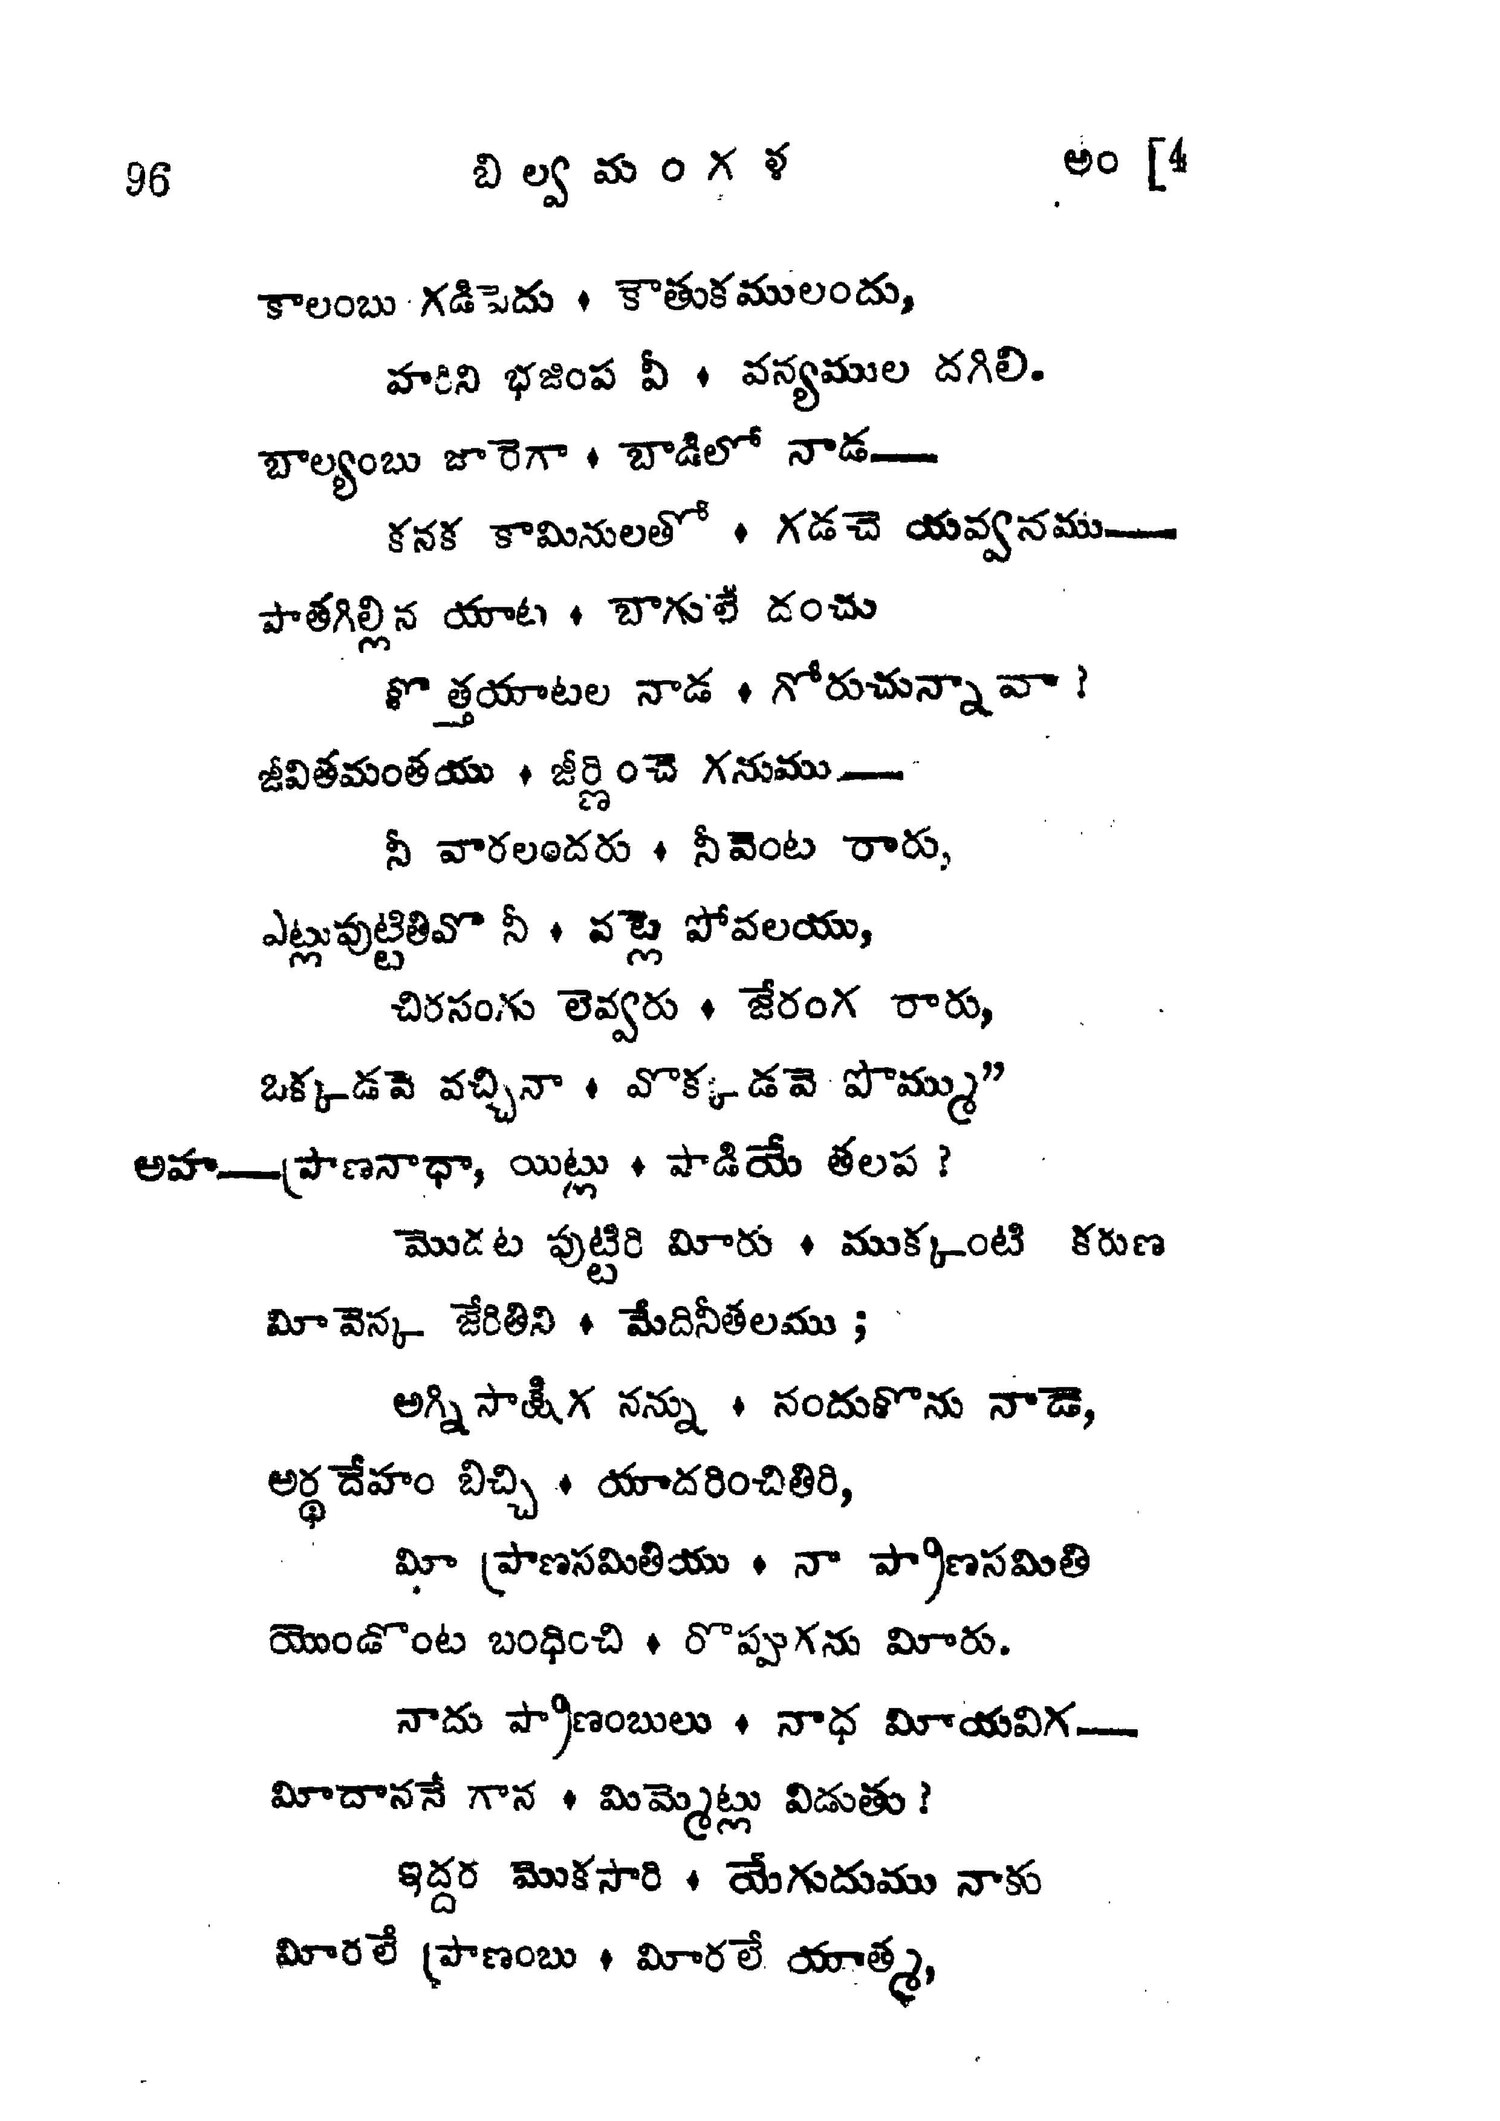కాలంబు గడిపెదు ♦ కౌతుకములందు,
 హరిని భజింప వీ ♦ వన్యముల దగిలి.
 బాల్యంబు జారెగా ♦ బాడిలో నాడ -
 కనక కామినులతో ♦ గడచె యవ్వనము -
 పాతగిల్లిన యాట ♦ బాగులే దంచు
 కొత్తయాటల నాడ ♦ గోరుచున్నావా?
 జీవితమంతయు ♦ జీర్ణించె గనుము -
 నీ వారలందరు ♦ నీవెంట రారు,
 ఎట్లుపుట్టితివొ నీ ♦ వట్లె పోవలయు,
 చిరసంగు లెవ్వరు ♦ జేరంగ రారు,
 ఒక్కడవె వచ్చినా ♦ వొక్కడవె పొమ్ము"

 అహ - ప్రాణనాధా, యిట్లు ♦ పాడియే తలప?
 మొదట పుట్టిరి మీరు ♦ ముక్కంటి కరుణ
 మీవెన్క జేరితిని ♦ మేదినీతలము;
 అగ్నిసాక్షిగ నన్ను ♦ నందుకొను నాడె,
 అర్థదేహం బిచ్చి ♦ యాదరించితిరి,
 మీ ప్రాణసమితియు ♦ నా ప్రాణసమితి
 యొండొంట బంధించి ♦ రొప్పుగను మీరు.
 నాదు ప్రాణంబులు ♦ నాధ మీయవిగ -
 మీదాననే గాన ♦ మిమ్మెట్లు విడుతు ?
 ఇద్దర మొకసారి ♦ యేగుదము నాకు
 మీరలే ప్రాణంబు ♦ మీరలే యాత్మ,